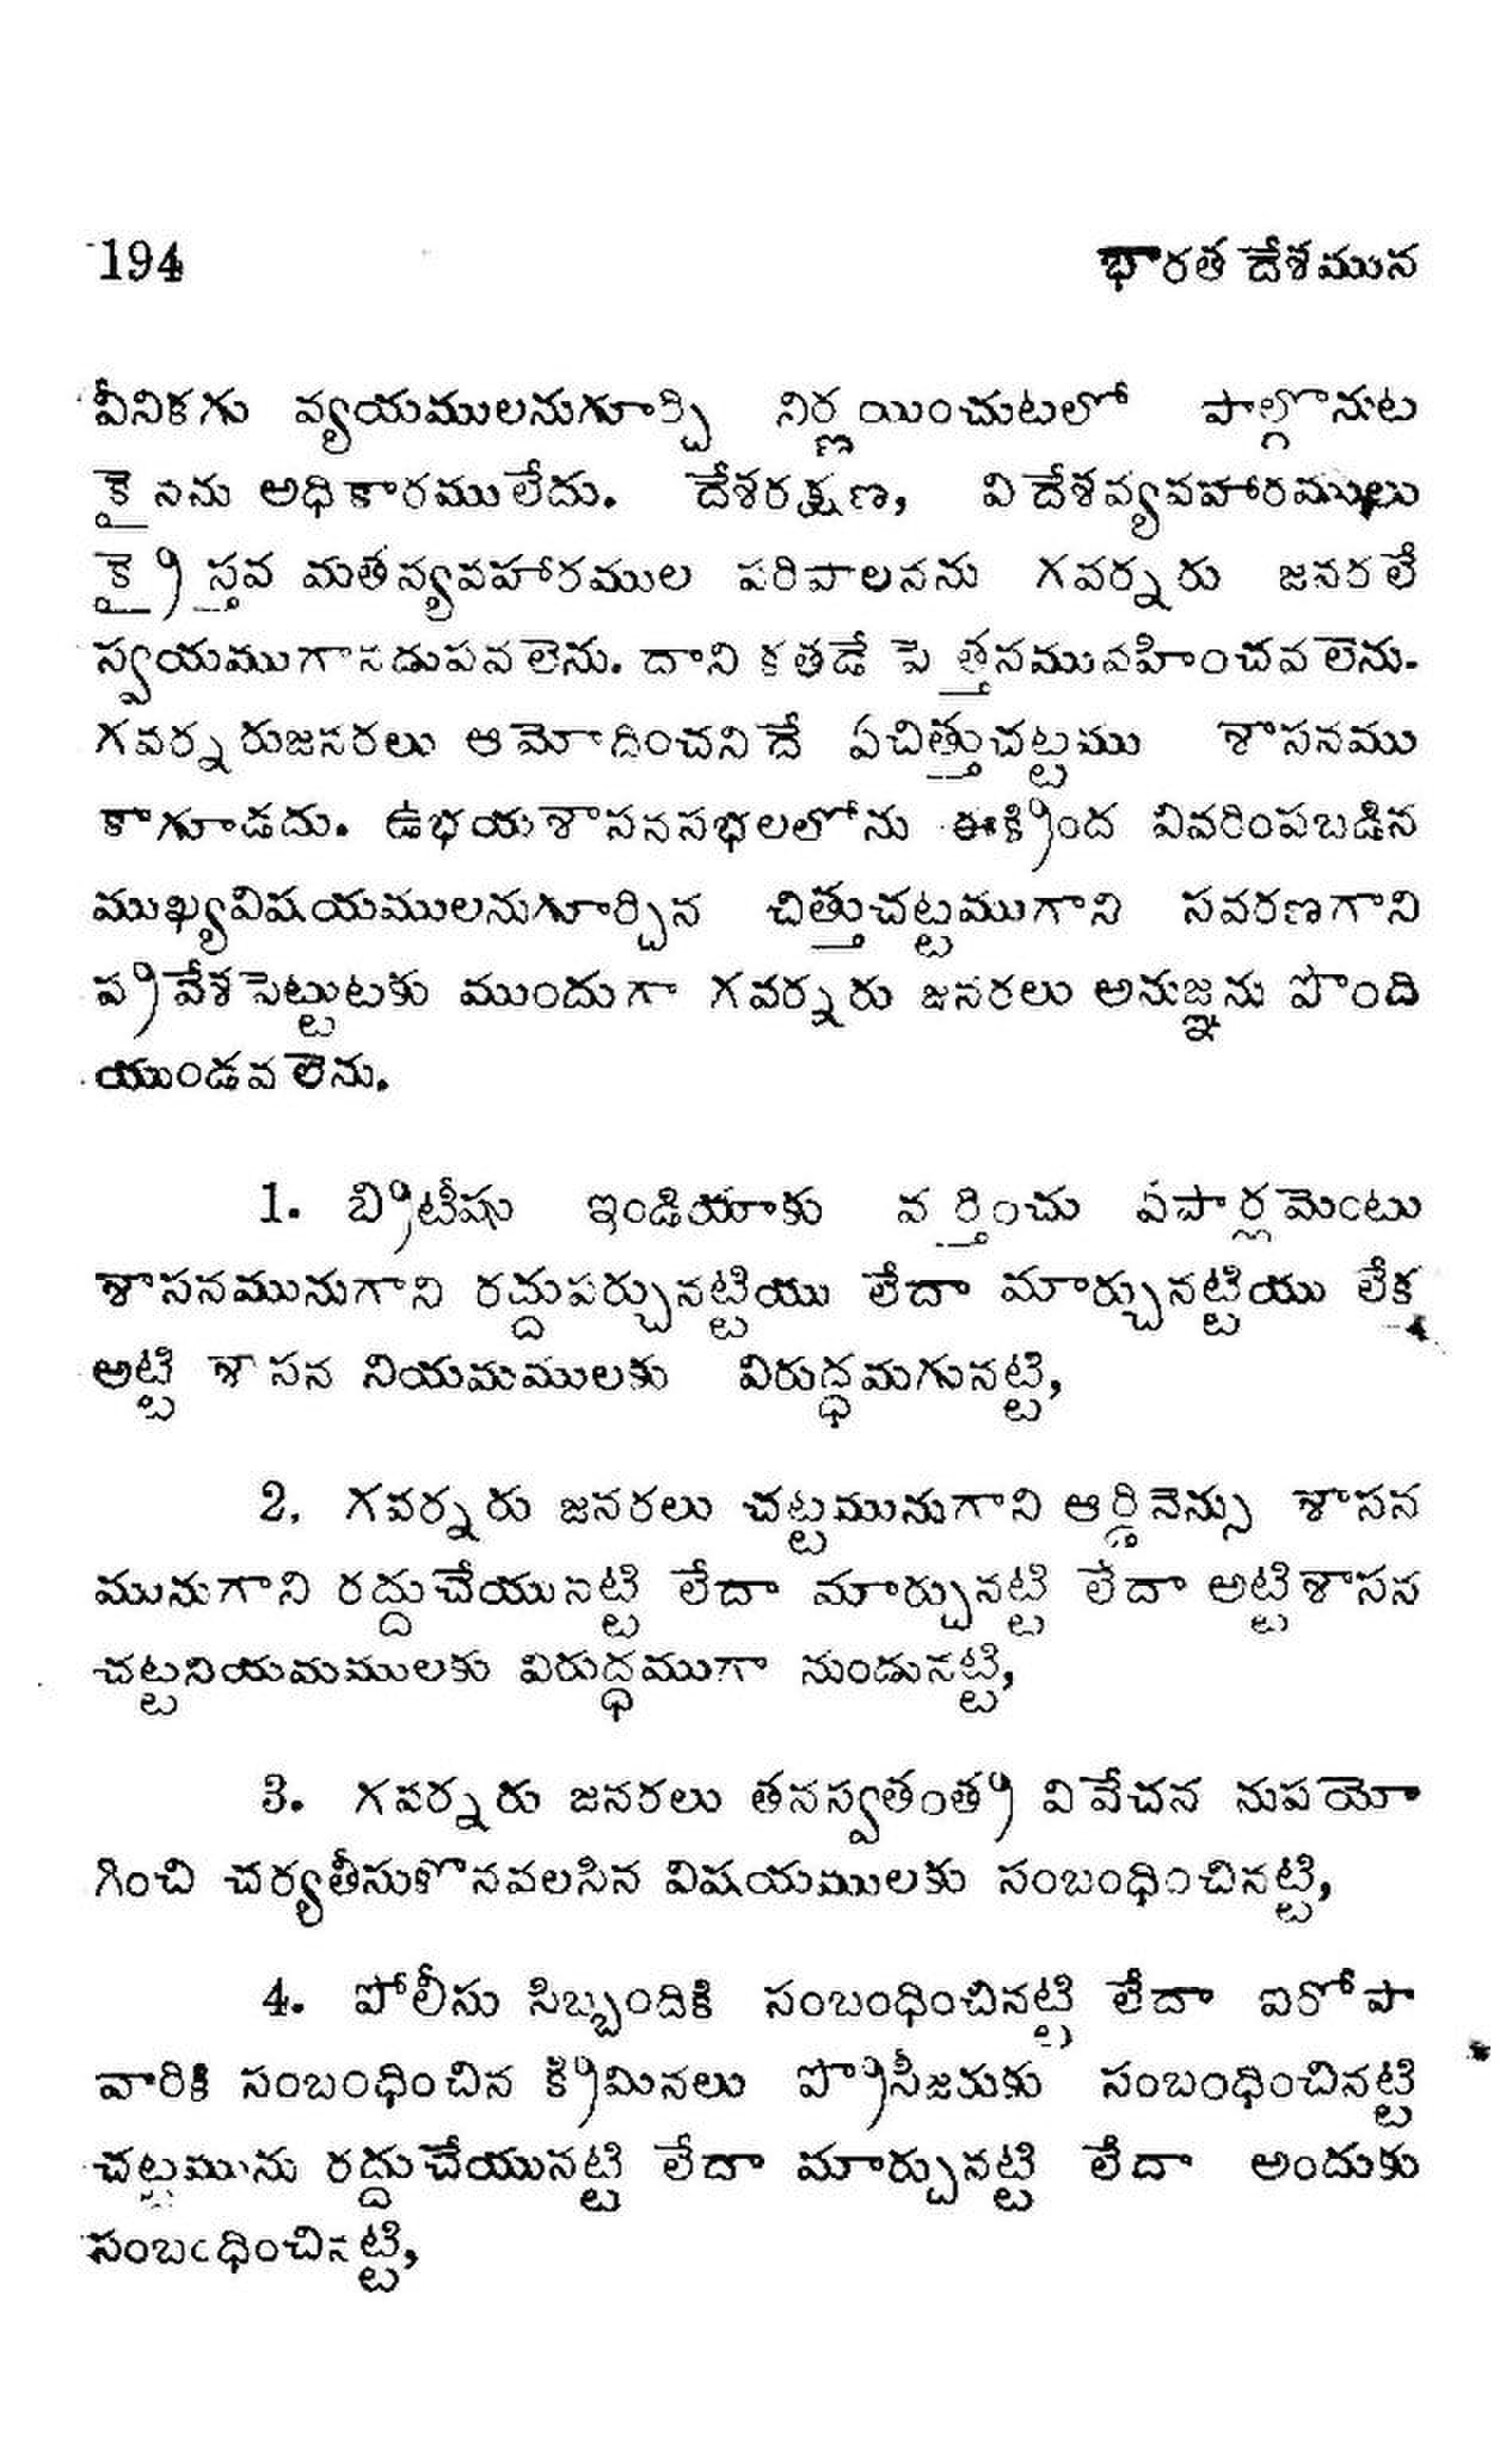వీనికగు వ్యయములనుగూర్చి నిర్ణయించుటలో పాల్గొనుటకైనను అధికారములేదు. దేశరక్షణ, విదేశవ్యవహారములు క్రైస్తవ మతవ్యవహారముల పరిపాలనను గవర్నరు జనరలే స్వయముగానడుపవలెను. దాని కతడే పెత్తనమువహించవలెను. గవర్నరుజనరలు ఆమోదించనిదే ఏచిత్తుచట్టము శాసనముకాగూడదు. ఉభయశాసనసభలలోను ఈ క్రింద వివరింపబడిన ముఖ్యవిషయములనుగూర్చిన చిత్తుచట్టముగాని సవరణగాని ప్రవేశపెట్టుటకు ముందుగా గవర్నరు జనరలు అనుజ్ఞను పొంది యుండవలెను.

1. బ్రిటీషు ఇండియాకు వర్తించు ఏపార్లమెంటు శాసనమునుగాని రద్దుపర్చునట్టియు లేదా మార్చునట్టియు లేక అట్టి శాసన నియమములకు విరుద్దమగునట్టి,

2, గవర్నరు జనరలు చట్టమునుగాని ఆర్డినెన్సు శాసనమునుగాని రద్దుచేయునట్టి లేదా మార్చునట్టి లేదా అట్టిశాసన చట్టనియమములకు విరుద్ధముగా నుండునట్టి,

8. గవర్నరు జనరలు తనస్వతంత్ర వివేచన నుపయోగించి చర్య తీసుకొనవలసిన విషయములకు సంబంధించినట్టి,

4. పోలీసు సిబ్బందికి సంబంధించినట్టి లేదా ఐరోపావారికి సంబంధించిన క్రిమినలు ప్రొసీజరుకు సంబంధించినట్టి చట్టమును రద్దుచేయునట్టి లేదా మార్చునట్టి లేదా అందుకు సంబంధించినట్టి,